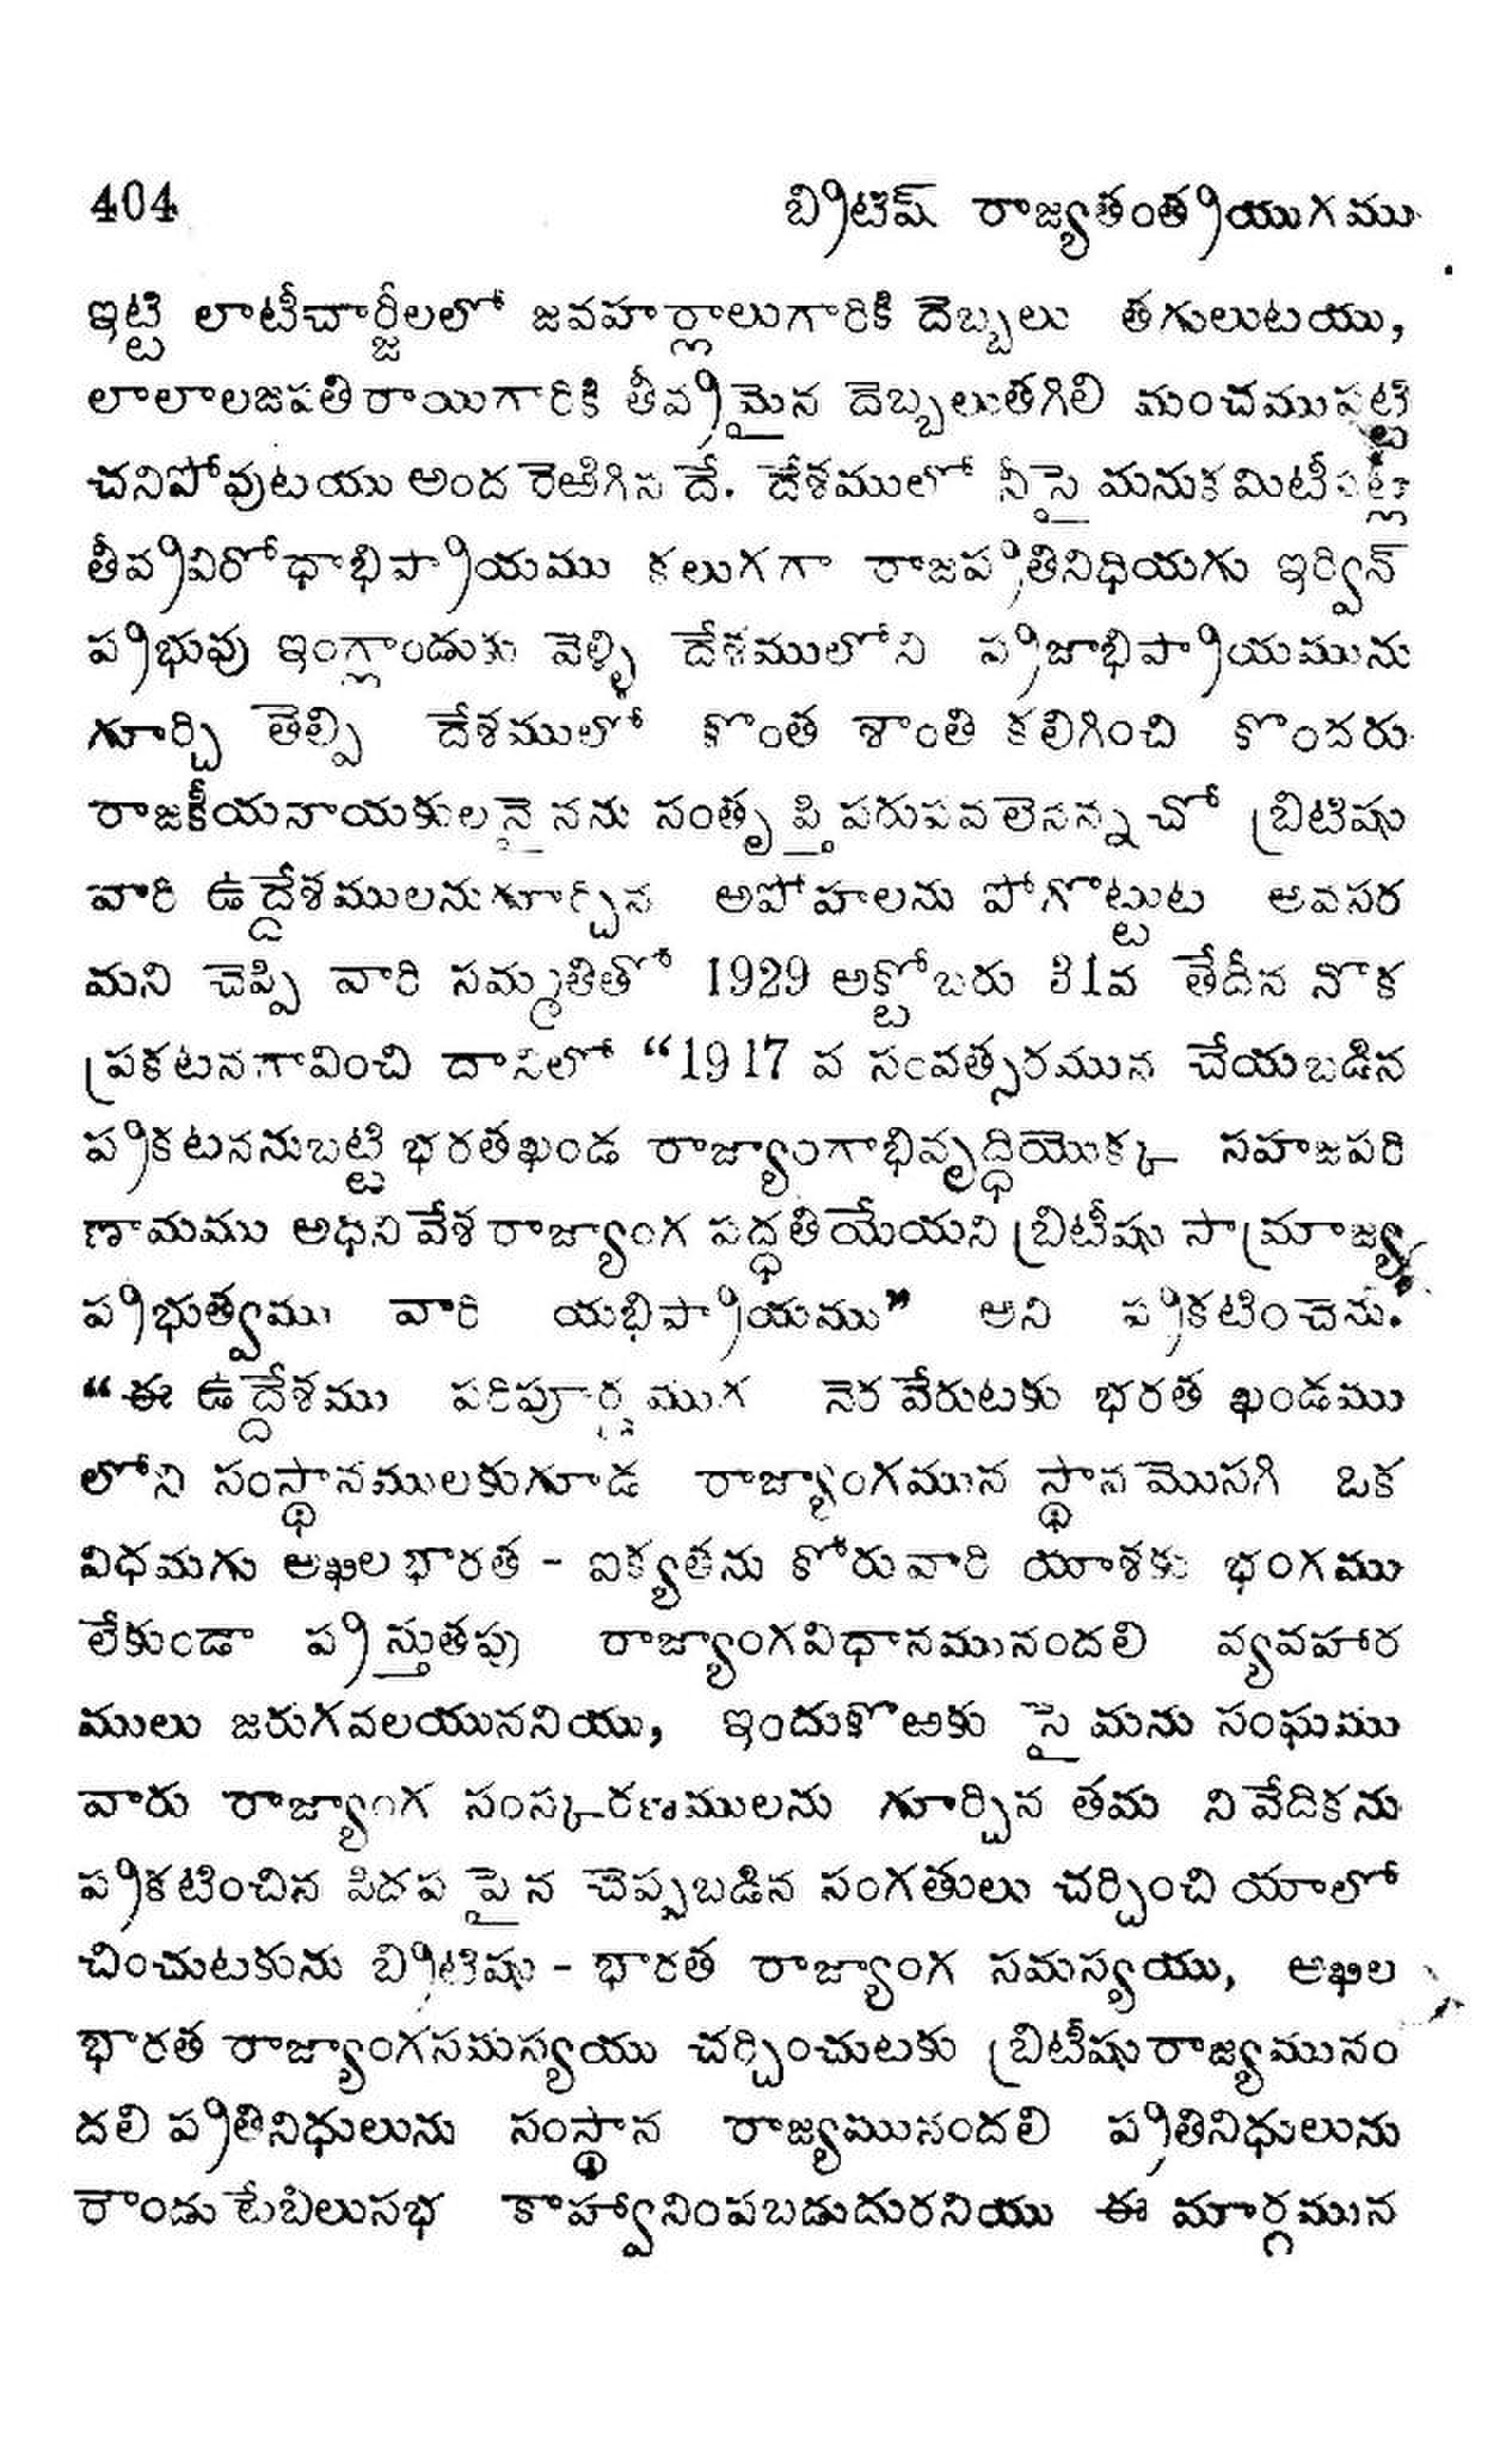ఇట్టి లాటీచార్జీలలో జవహర్లాలుగారికి దెబ్బలు తగులుటయు, లాలాలజపతిరాయిగారికి తీవ్రమైన దెబ్బలుతగిలి మంచముపట్టి చనిపోవుటయు అందరెఱిగినదే. దేశములో నీ సైమనుకమిటీపట్ల తీవ్రవిరోధాభిప్రాయము కలుగగా రాజప్రతినిధియగు ఇర్విన్ ప్రభువు ఇంగ్లాండుకు వెళ్ళి దేశములోని ప్రజాభిప్రాయమును గూర్చి తెల్పి దేశములో కొంత శాంతి కలిగించి కొందరు రాజకీయనాయకులనైనను సంతృప్తిపరుపవలెనన్నచో బ్రిటిషువారి ఉద్దేశములనుగూర్చిన అపోహలను పోగొట్టుట అవసరమని చెప్పి వారి సమ్మతితో 1929 అక్టోబరు 31వ తేదీన నొక ప్రకటనగావించి దానిలో "1917 వ సంవత్సరమున చేయబడిన ప్రకటననుబట్టి భరతఖండ రాజ్యాంగాభివృద్ధియొక్క సహజపరిణామము అధినివేశరాజ్యాంగ పద్దతియేయని బ్రిటీషు సామ్రాజ్యప్రభుత్వము వారి యభిప్రాయము” అని ప్రకటించెను. “ ఈ ఉద్దేశము పరిపూర్ణముగ నెరవేరుటకు భరత ఖండములోని సంస్థానములకుగూడ రాజ్యాంగమున స్థానమొసగి ఒక విధమగు అఖిలభారత - ఐక్యతను కోరువారి యాశకు భంగము లేకుండా ప్రస్తుతపు రాజ్యాంగవిధానమునందలి వ్యవహారములు జరుగవలయుననియు, ఇందుకొఱకు సైమను సంఘమువారు రాజ్యాంగ సంస్కరణములను గూర్చిన తమ నివేదికను ప్రకటించిన పిదప పైన చెప్పబడిన సంగతులు చర్చించి యాలోచించుటకును బ్రిటిషు - భారత రాజ్యాంగ సమస్యయు, అఖిలభారత రాజ్యాంగ సమస్యయు చర్చించుటకు బ్రిటీషురాజ్యమునందలి ప్రతినిధులుసు సంస్థాన రాజ్యమునందలి ప్రతినిధులును రౌండుటేబిలుసభ కాహ్వానింపబడుదురనియు ఈ మార్గమున